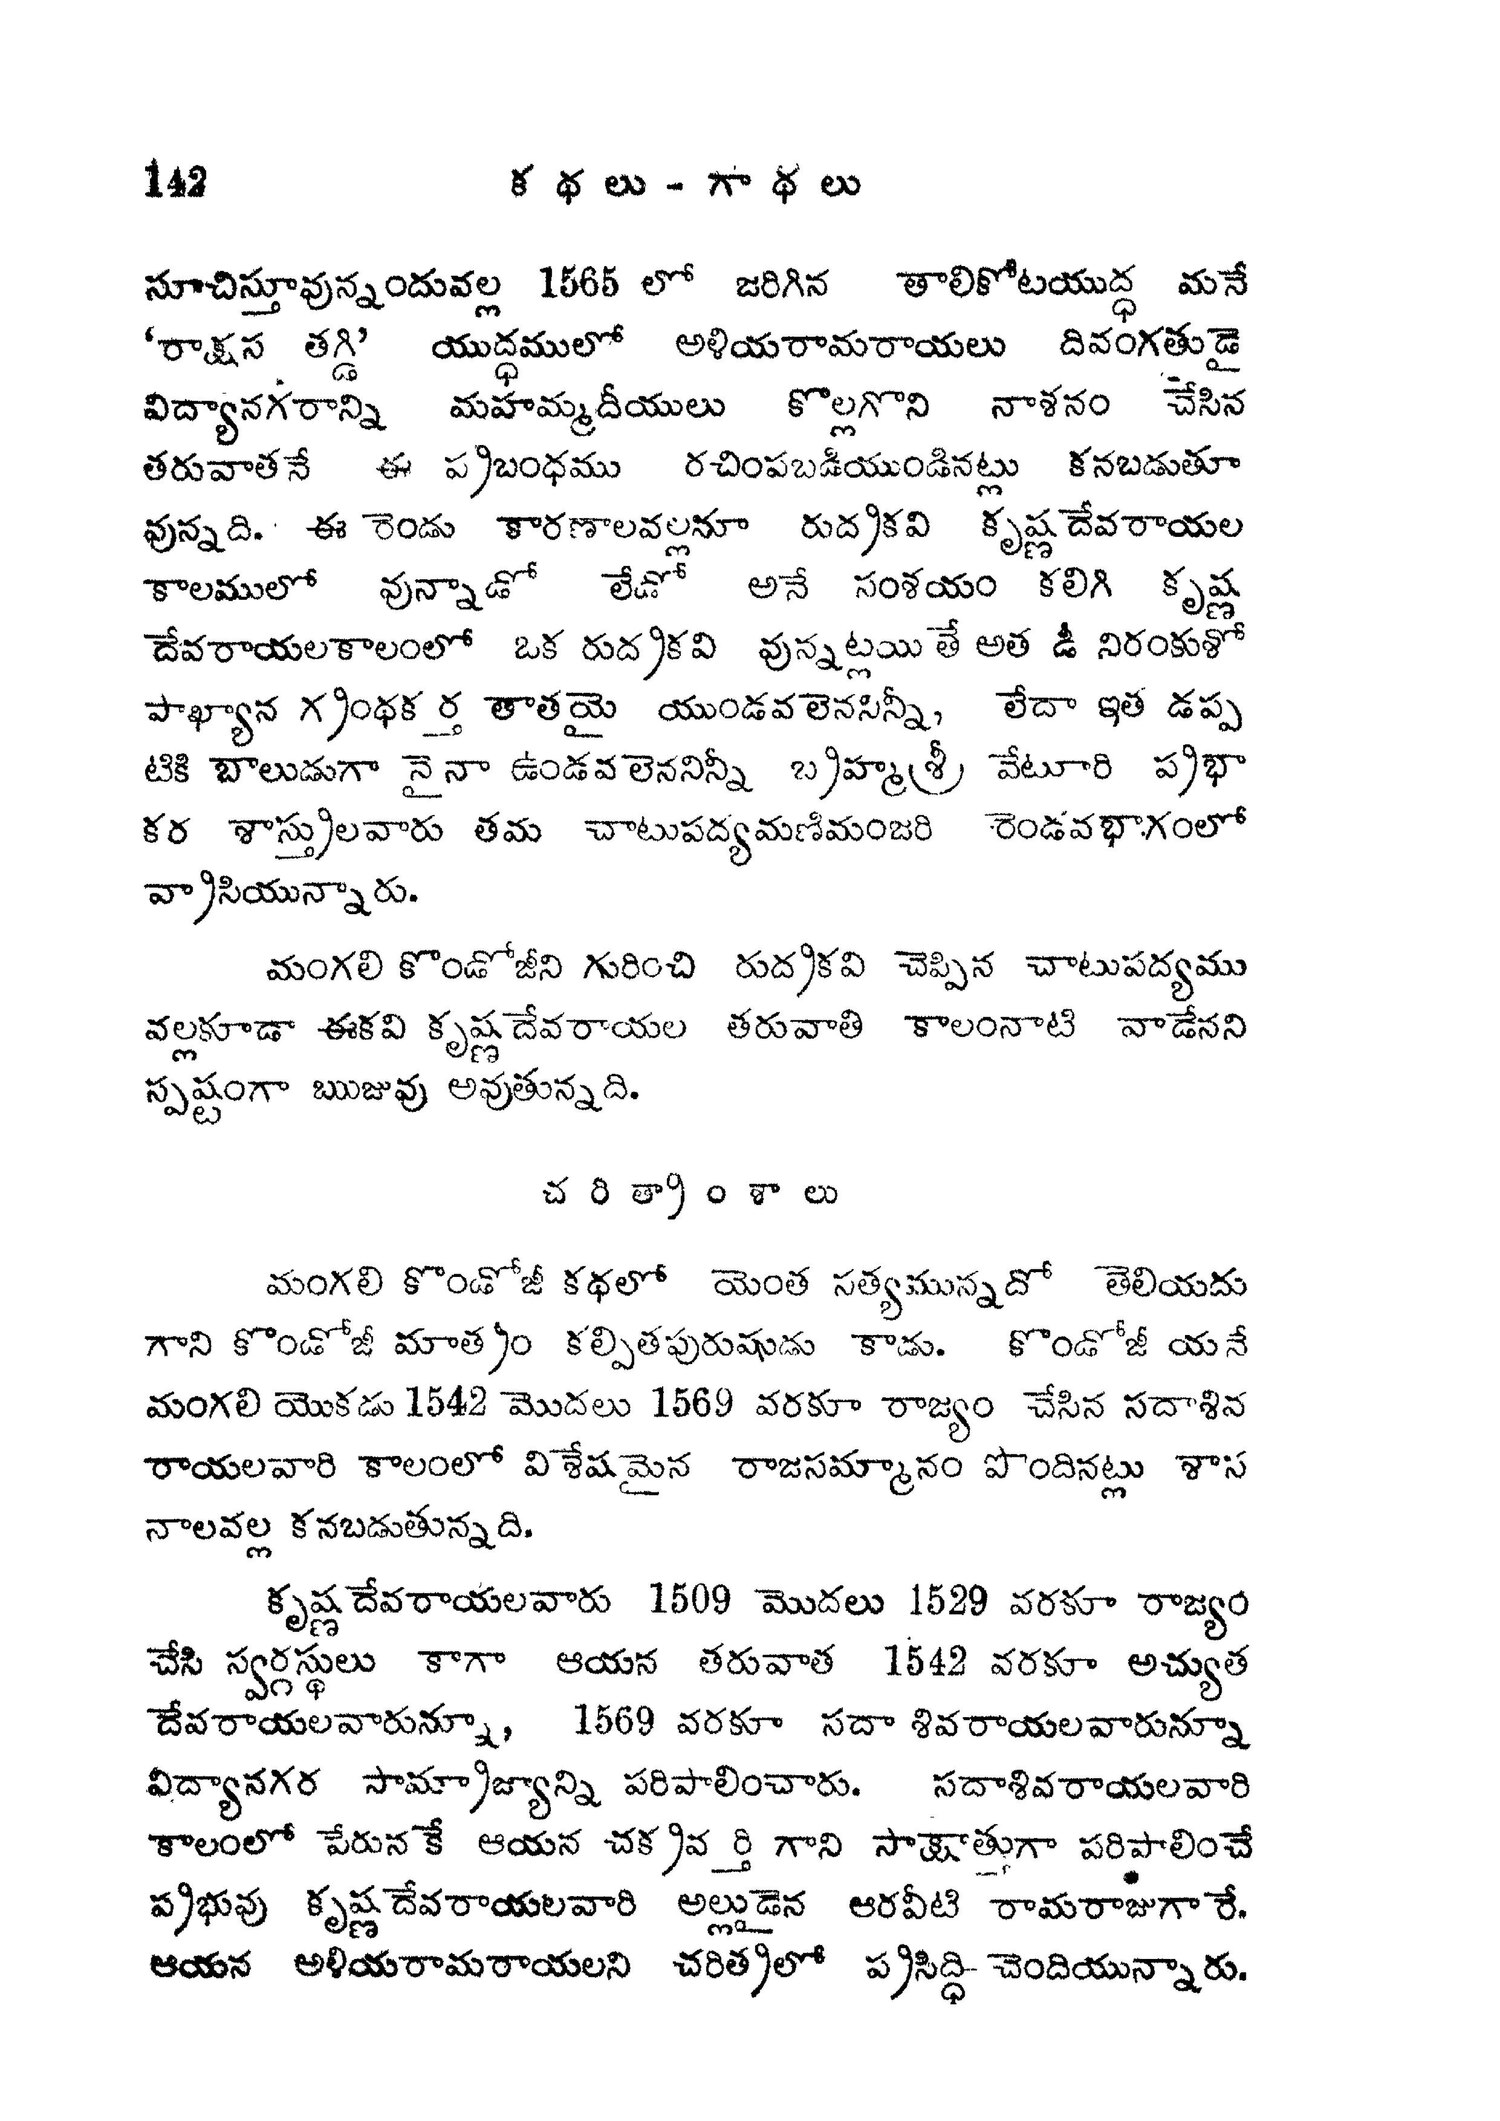సూచిస్తూవున్నందువల్ల 1565 లో జరిగిన తాలికోటయుద్ధ మనే 'రాక్షస తగ్డి ' యుద్దములో ఆళియరామరాయలు దివంగతుడై విద్యానగరాన్ని మహమ్మదీయులు కొల్లగొని నాశనం చేసిన తరువాతనే ఈ ప్రబంధము రచింపబడియుండినట్లు కనబడుతూ వున్నది. ఈ రెండు కారణాలవల్లనూ రుద్రకవి కృష్ణదేవరాయల కాలములో ఉన్నాడో లేడో అనే సంశయం కలిగి కృష్ణదేవరాయలకాలంలో ఒక రుద్రకవి వున్నట్లయితే అతడీ నిరంకుశోపాఖ్యాన గ్రంధకర్త తాతయై యుండవలెననిన్నీ, లేదా ఇత డప్పటికి బాలుడుగా నైనా ఉండవలననిన్నీ బ్రహ్మశ్రీ వేటూరు ప్రభాకర శాస్త్రులవారు తమ చాటుపద్యమణిమంజరి రెండవభాగములో వ్రాసియున్నారు.

మంగలి కొండోజీని గురించి రుద్రకవి చెప్పిన చాటుపద్యము వల్ల గూడా ఈకవి కృష్ణదేవరాయల తరువాతి కాలం నాటి వాడేనని స్పష్టంగా ఋజువు అవుతున్నది.

మంగలి కొండోజీ కధలో యెంత సత్యమున్నదో తెలియదుగాని కొండోజీ మాత్రం కల్పితపురుషుడు కాదు. కొండోజీ యనే మంగలి యొకడు 1542 మొదలు 1569 వరకూ రాజ్యం చేసిన సదాశివరాయలవారి కాలంలో విశేషమైన రాజసమ్మానం పొందినట్లు శాసనాలవల్ల కనబడుతున్నది.
 
కృష్ణదేవరాయలవారు 1509 మొదలు 1529 వరకూ రాజ్యం చేసి స్వర్గస్థులు కాగా ఆయన తరువాత 1542 వరకూ అచ్యుతదేవరాయలవారున్నూ, 1569 వరకూ సదాశివరాయలవారున్నూ విద్యానగర సామ్రాజ్యాన్ని పరిపాలించారు. సదాశివరాయలవారి కాలంలో పేరునకే ఆయన చక్రవర్తి గాని సాక్షాత్తుగా పరిపాలించే ప్రభువు కృష్ణదేవరాయలవారి అల్లుడైన అరవీటి రామరాజుగారే. ఆయన అళియరామరాయలని చరిత్రలో ప్రసిద్ధి చెందియున్నారు.